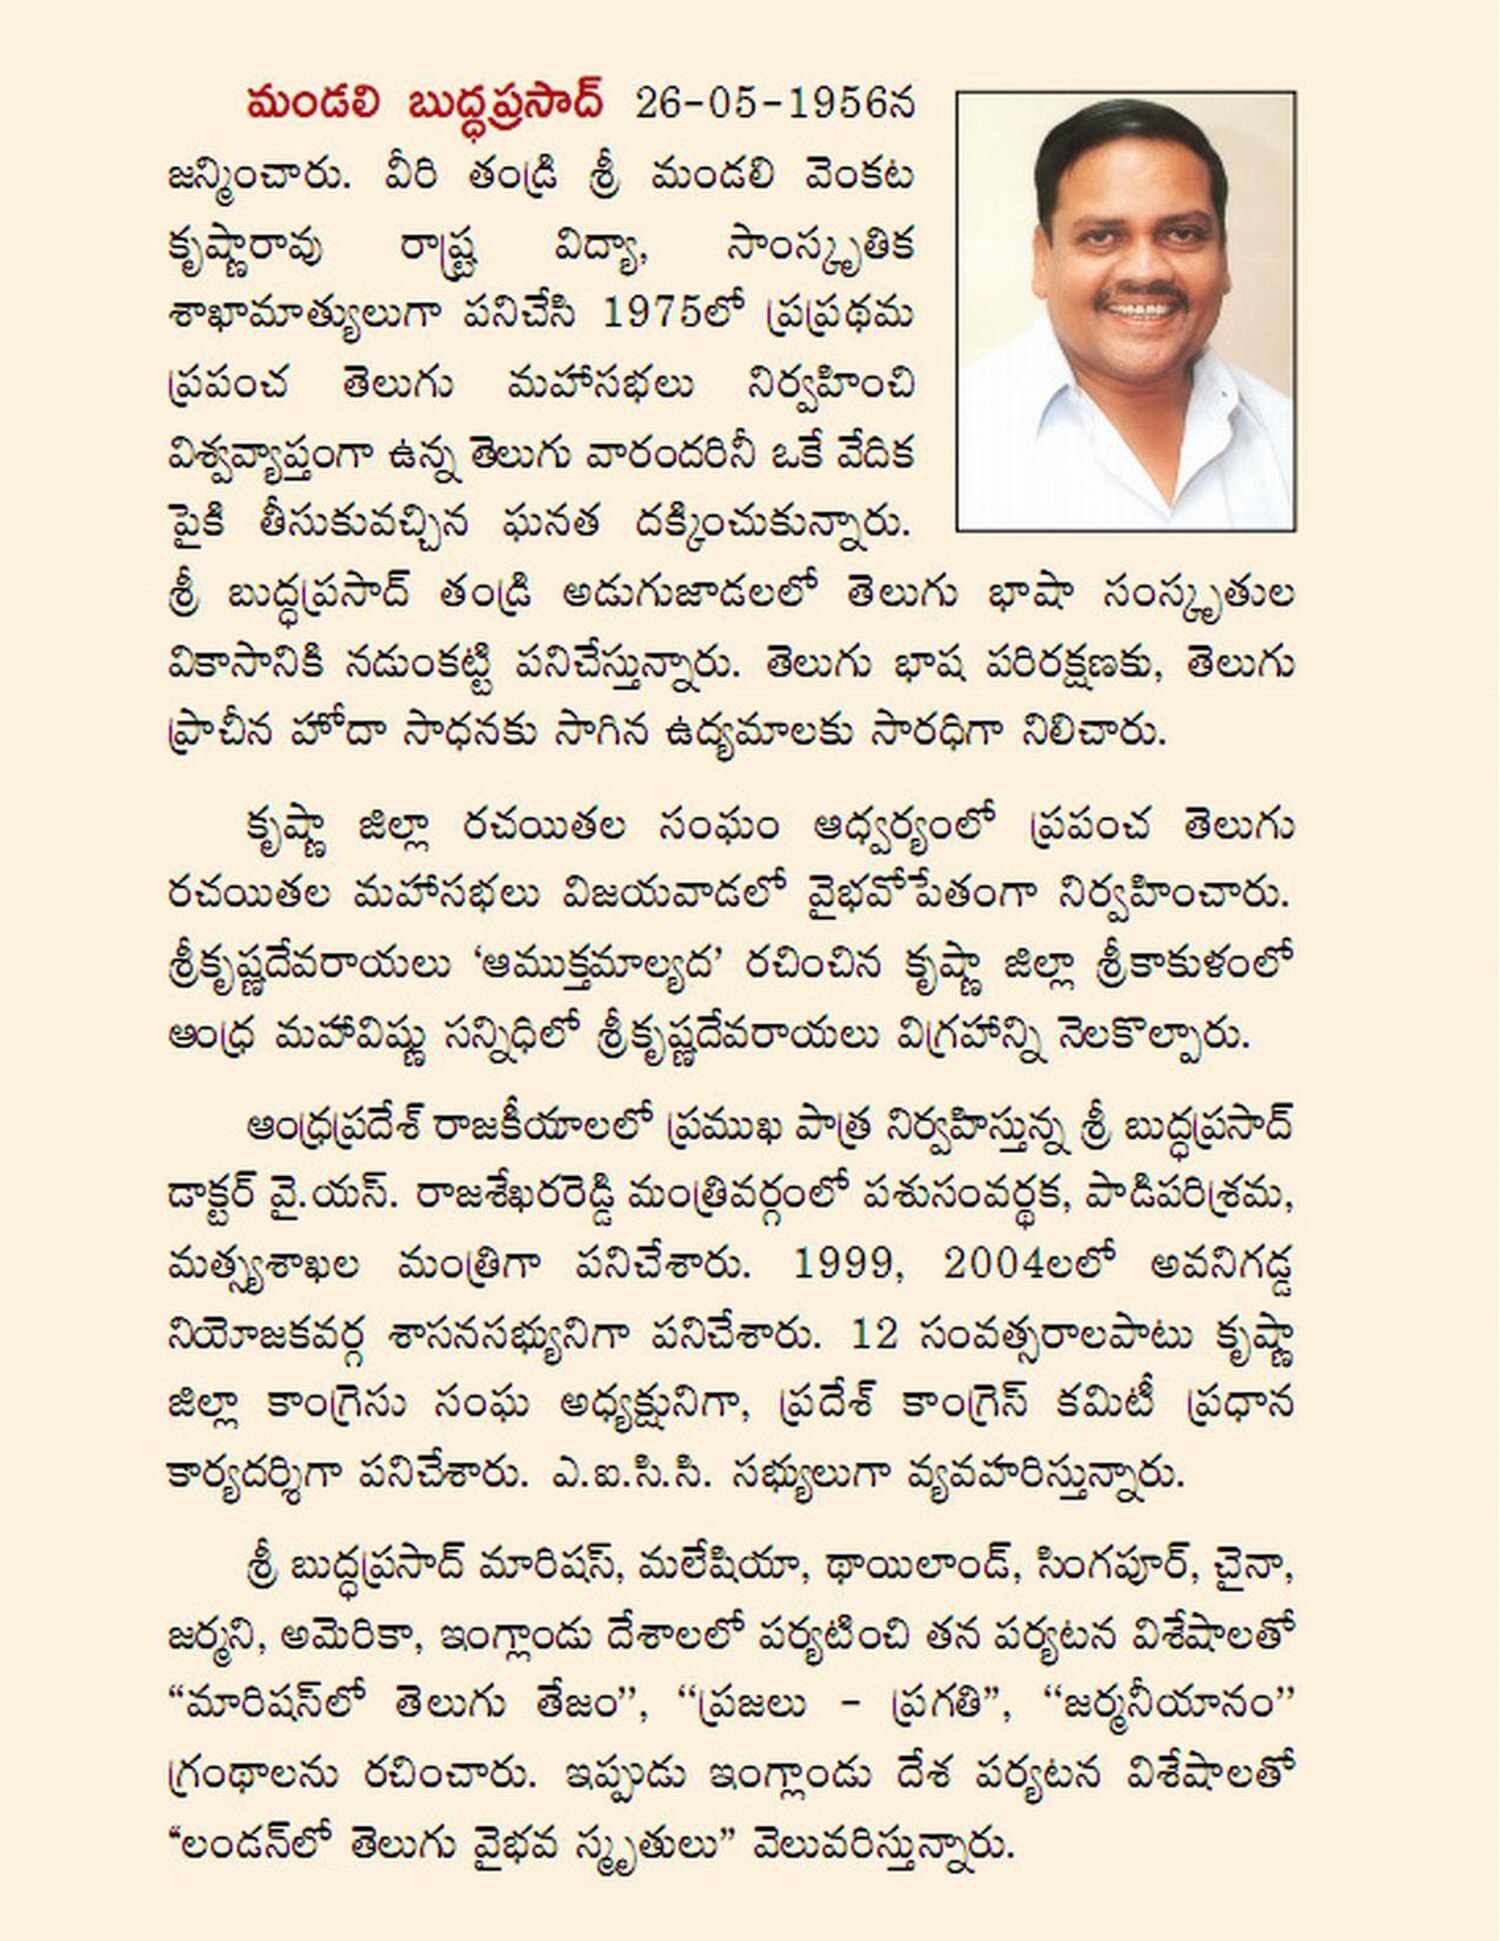మండలి బుద్ధ ప్రసాద్ 26-05-1956న జన్మించారు. వీరి తండ్రి శ్రీ మండలి వెంకట కృష్ణారావు రాష్ట్ర విద్యా, సాంస్కృతిక శాఖామాత్యులుగా పనిచేసి 1975లో ప్రప్రథమ ప్రపంచ తెలుగు మహాసభలు నిర్వహించి విశ్వవ్యాప్తంగా ఉన్న తెలుగు వారందరినీ ఒకే వేదిక పైకి తీసుకువచ్చిన ఘనత దక్కించుకున్నారు. శ్రీ బుద్ధప్రసాద్ తండ్రి అడుగుజాడలలో తెలుగు భాషా సంస్కృతుల వికాసానికి నడుంకట్టి పనిచేస్తున్నారు. తెలుగు భాష పరిరక్షణకు, తెలుగు ప్రాచీన హోదా సాధనకు సాగిన ఉద్యమాలకు సారధిగా నిలిచారు.
కృష్ణా జిల్లా రచయితల సంఘం ఆధ్వర్యంలో ప్రపంచ తెలుగు రచయితల మహాసభలు విజయవాడలో వైభవోపేతంగా నిర్వహించారు. శ్రీకృష్ణదేవరాయలు 'ఆముక్తమాల్యద' రచించిన కృష్ణా జిల్లా శ్రీకాకుళంలో ఆంధ్ర మహావిష్ణు సన్నిధిలో శ్రీకృష్ణదేవరాయలు విగ్రహాన్ని నెలకొల్పారు.

ఆంధ్రప్రదేశ్ రాజకీయాలలో ప్రముఖ పాత్ర నిర్వహిస్తున్న శ్రీ బుద్ధప్రసాద్ డాక్టర్ వై.యస్. రాజశేఖరరెడ్డి మంత్రివర్గంలో పశుసంవర్థక, పాడిపరిశ్రమ, మత్స్యశాఖల మంత్రిగా పనిచేశారు. 1999, 2004లలో అవనిగడ్డ నియోజకవర్గ శాసనసభ్యునిగా పనిచేశారు. 12 సంవత్సరాలపాటు కృష్ణా జిల్లా కాంగ్రెసు సంఘ అధ్యక్షునిగా, ప్రదేశ్ కాంగ్రెస్ కమిటీ ప్రధాన కార్యదర్శిగా పనిచేశారు. ఎ.ఐ.సి.సి. సభ్యులుగా వ్యవహరిస్తున్నారు.

శ్రీ బుద్ధప్రసాద్ మారిషస్, మలేషియా, థాయిలాండ్, సింగపూర్, చైనా, జర్మనీ, అమెరికా, ఇంగ్లాండు దేశాలలో పర్యటించి తన పర్యటన విశేషాలతో “మారిషస్లో తెలుగు తేజం”, “ప్రజలు - ప్రగతి”, “జర్మనీయానం” గ్రంథాలను రచించారు. ఇప్పుడు ఇంగ్లాండు దేశ పర్యటన విశేషాలతో “లండన్లో తెలుగు వైభవ స్మృతులు” వెలువరిస్తున్నారు.